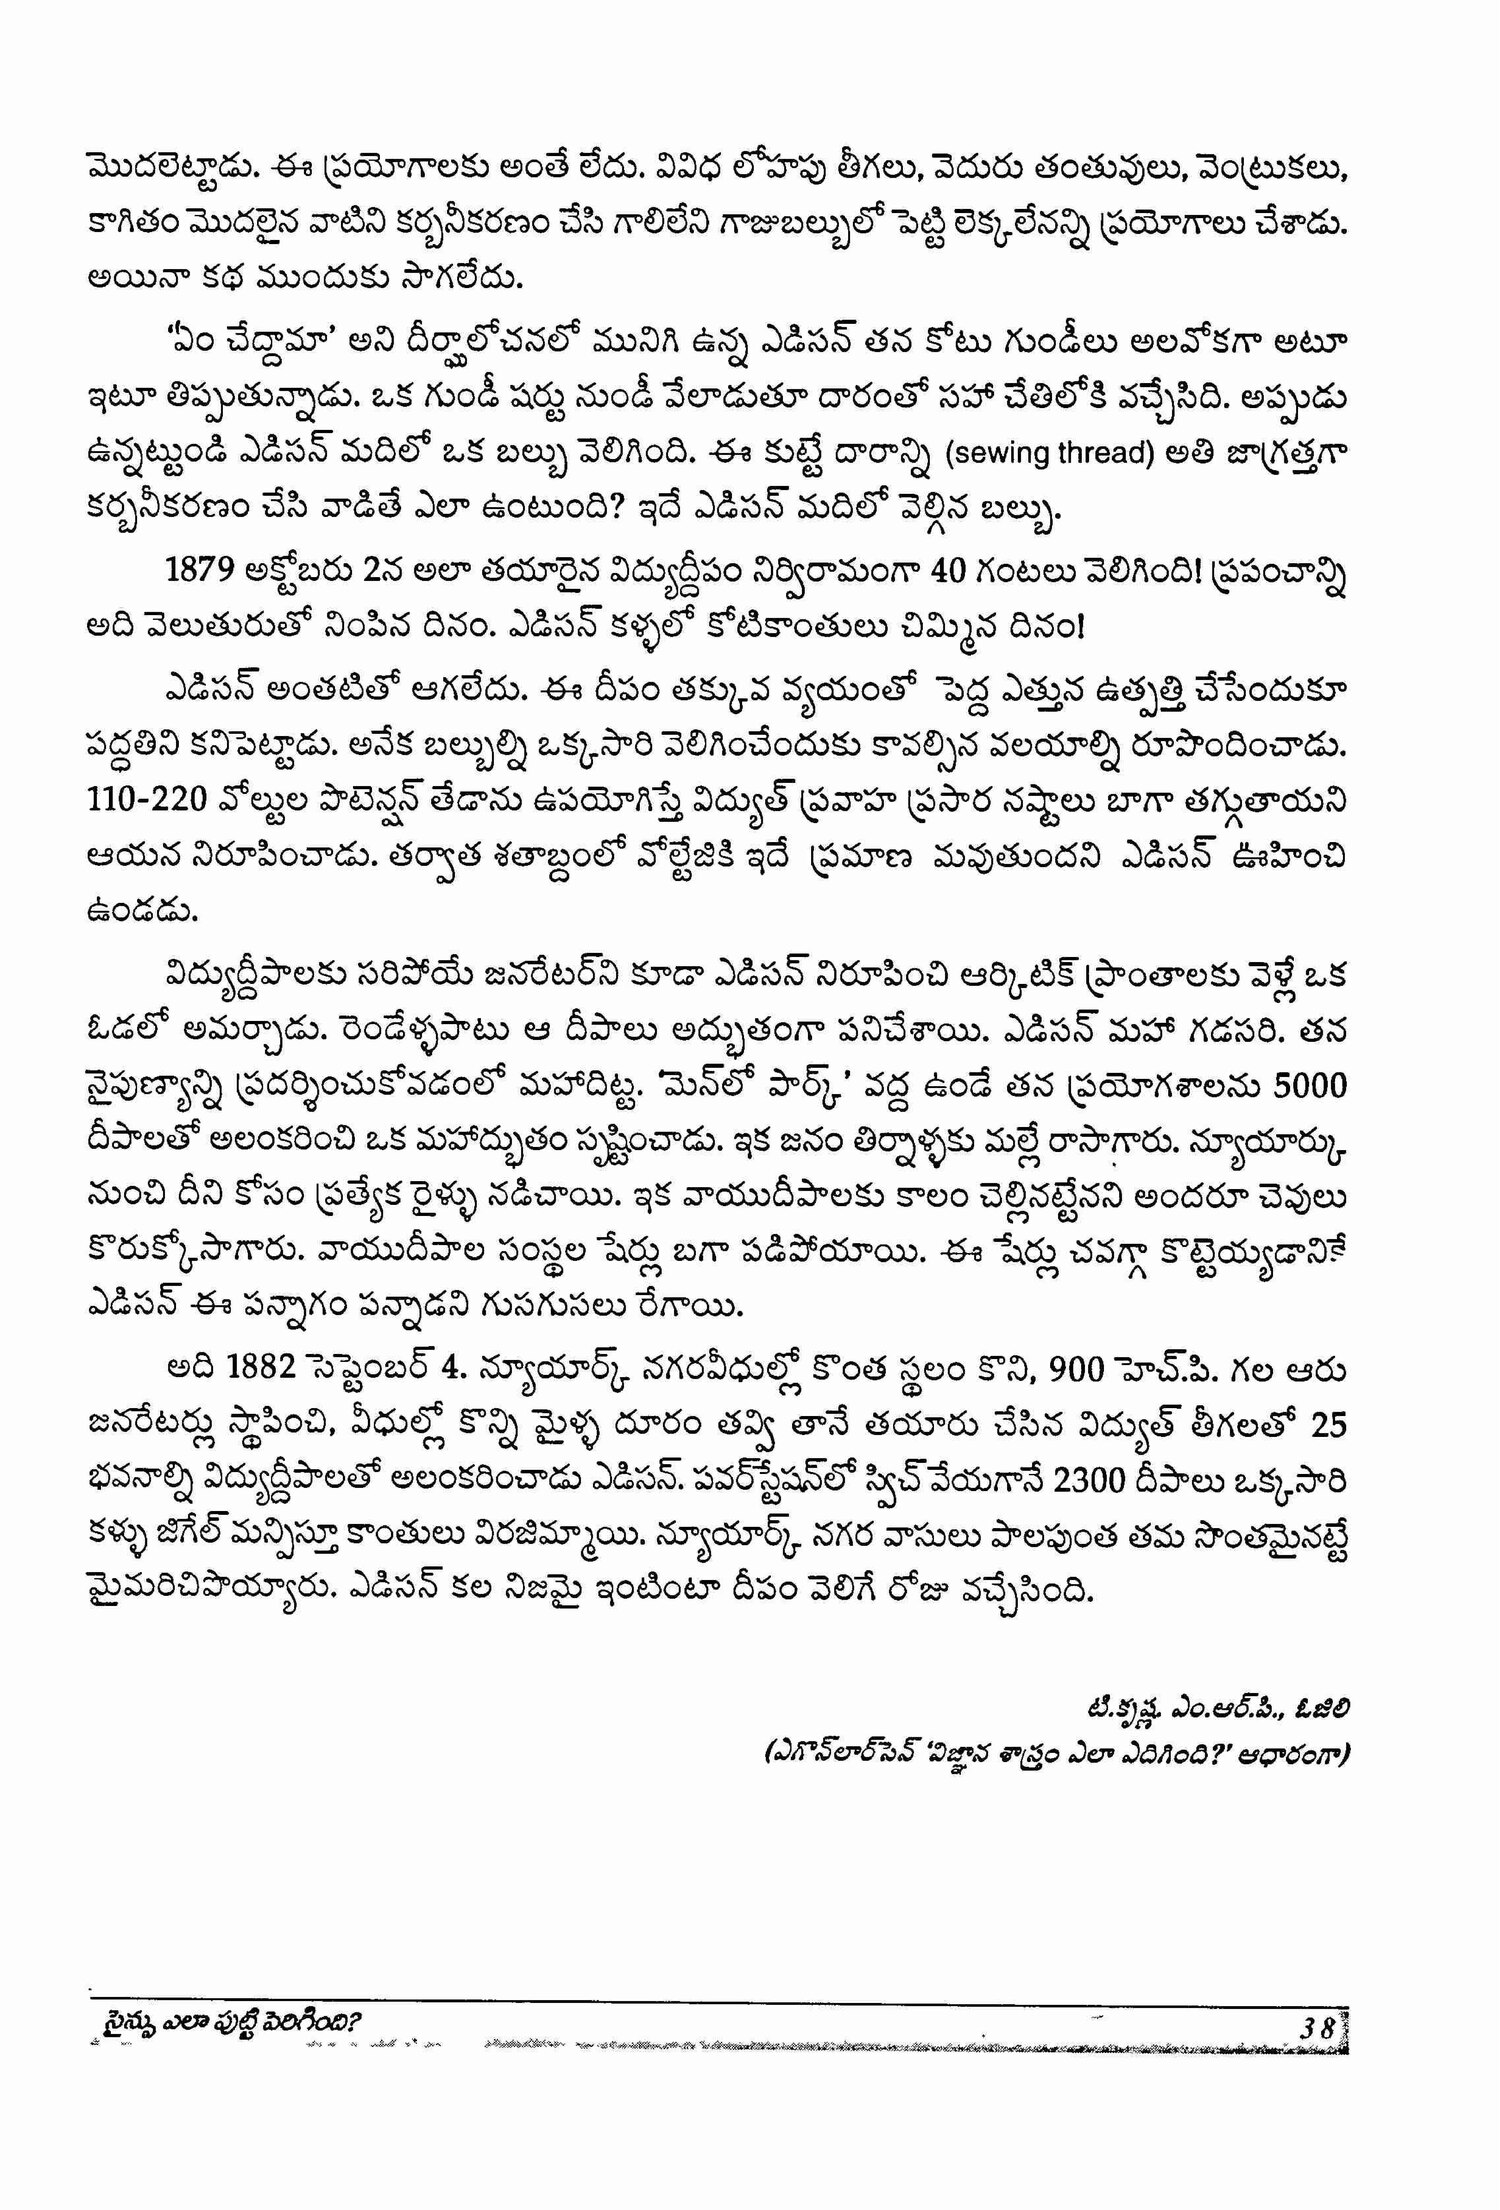మొదలెట్టాడు. ఈ ప్రయోగాలకు అంతే లేదు. వివిధ లోహపు తీగలు, వెదురు తంతువులు, వెంట్రుకలు, కాగితం మొదలైన వాటిని కర్బనీకరణం చేసి గాలిలేని గాజుబల్బులో పెట్టి లెక్కలేనన్ని ప్రయోగాలు చేశాడు. అయినా కథ ముందుకు సాగలేదు.

'ఏం చేద్దామా' అని దీర్ఘాలోచనలో మునిగి ఉన్న ఎడిసన్ తన కోటు గుండీలు అలవోకగా అటూ ఇటూ తిప్పుతున్నాడు. ఒక గుండీ షర్టు నుండీ వేలాడుతూ దారంతో సహా చేతిలోకి వచ్చేసిది. అప్పుడు ఉన్నట్టుండి ఎడిసన్ మదిలో ఒక బల్బు వెలిగింది. ఈ కుట్టే దారాన్ని (sewing thread) అతి జాగ్రత్తగా కర్బనీకరణం చేసి వాడితే ఎలా ఉంటుంది? ఇదే ఎడిసన్ మదిలో వెల్గిన బల్బు.

1879 అక్టోబరు 2న అలా తయారైన విద్యుద్దీపం నిర్విరామంగా 40 గంటలు వెలిగింది! ప్రపంచాన్ని అది వెలుతురుతో నింపిన దినం. ఎడిసన్ కళ్ళలో కోటికాంతులు చిమ్మిన దినం!

ఎడిసన్ అంతటితో ఆగలేదు. ఈ దీపం తక్కువ వ్యయంతో పెద్ద ఎత్తున ఉత్పత్తి చేసేందుకూ పద్ధతిని కనిపెట్టాడు. అనేక బల్బుల్ని ఒక్కసారి వెలిగించేందుకు కావల్సిన వలయాల్ని రూపొందించాడు. 110-220 వోల్టుల పొటెన్షన్ తేడాను ఉపయోగిస్తే విద్యుత్ ప్రవాహ ప్రసార నష్టాలు బాగా తగ్గుతాయని ఆయన నిరూపించాడు. తర్వాత శతాబ్దంలో వోల్టేజికి ఇదే ప్రమాణ మవుతుందని ఎడిసన్ ఊహించి ఉండడు.

విద్యుద్దీపాలకు సరిపోయే జనరేటర్‌ని కూడా ఎడిసన్ నిరూపించి ఆర్కిటిక్ ప్రాంతాలకు వెళ్లే ఒక ఓడలో అమర్చాడు. రెండేళ్ళపాటు ఆ దీపాలు అద్భుతంగా పనిచేశాయి. ఎడిసన్ మహా గడసరి. తన నైపుణ్యాన్ని ప్రదర్శించుకోవడంలో మహాదిట్ట. 'మెన్‌లో పార్క్' వద్ద ఉండే తన ప్రయోగశాలను 5000 దీపాలతో అలంకరించి ఒక మహాద్భుతం సృష్టించాడు. ఇక జనం తిర్నాళ్ళకు మల్లే రాసాగారు. న్యూయార్కు నుంచి దీని కోసం ప్రత్యేక రైళ్ళు నడిచాయి. ఇక వాయుదీపాలకు కాలం చెల్లినట్టేనని అందరూ చెవులు కొరుక్కోసాగారు. వాయుదీపాల సంస్థల షేర్లు బాగా పడిపోయాయి. ఈ షేర్లు చవగ్గా కొట్టెయ్యడానికే ఎడిసన్ ఈ పన్నాగం పన్నాడని గుసగుసలు రేగాయి.

అది 1882 సెప్టెంబర్ 4. న్యూయార్క్ నగరవీధుల్లో కొంత స్థలం కొని, 900 హెచ్.పి. గల ఆరు జనరేటర్లు స్థాపించి, వీధుల్లో కొన్ని మైళ్ళ దూరం తవ్వి తానే తయారు చేసిన విద్యుత్ తీగలతో 25 భవనాల్ని విద్యుద్దీపాలతో అలంకరించాడు ఎడిసన్. పవర్‌స్టేషన్‌లో స్విచ్ వేయగానే 2300 దీపాలు ఒక్కసారి కళ్ళు జిగేల్ మన్పిస్తూ కాంతులు విరజిమ్మాయి. న్యూయార్క్ నగర వాసులు పాలపుంత తమ సొంతమైనట్టే మైమరిచిపొయ్యారు. ఎడిసన్ కల నిజమై ఇంటింటా దీపం వెలిగే రోజు వచ్చేసింది.